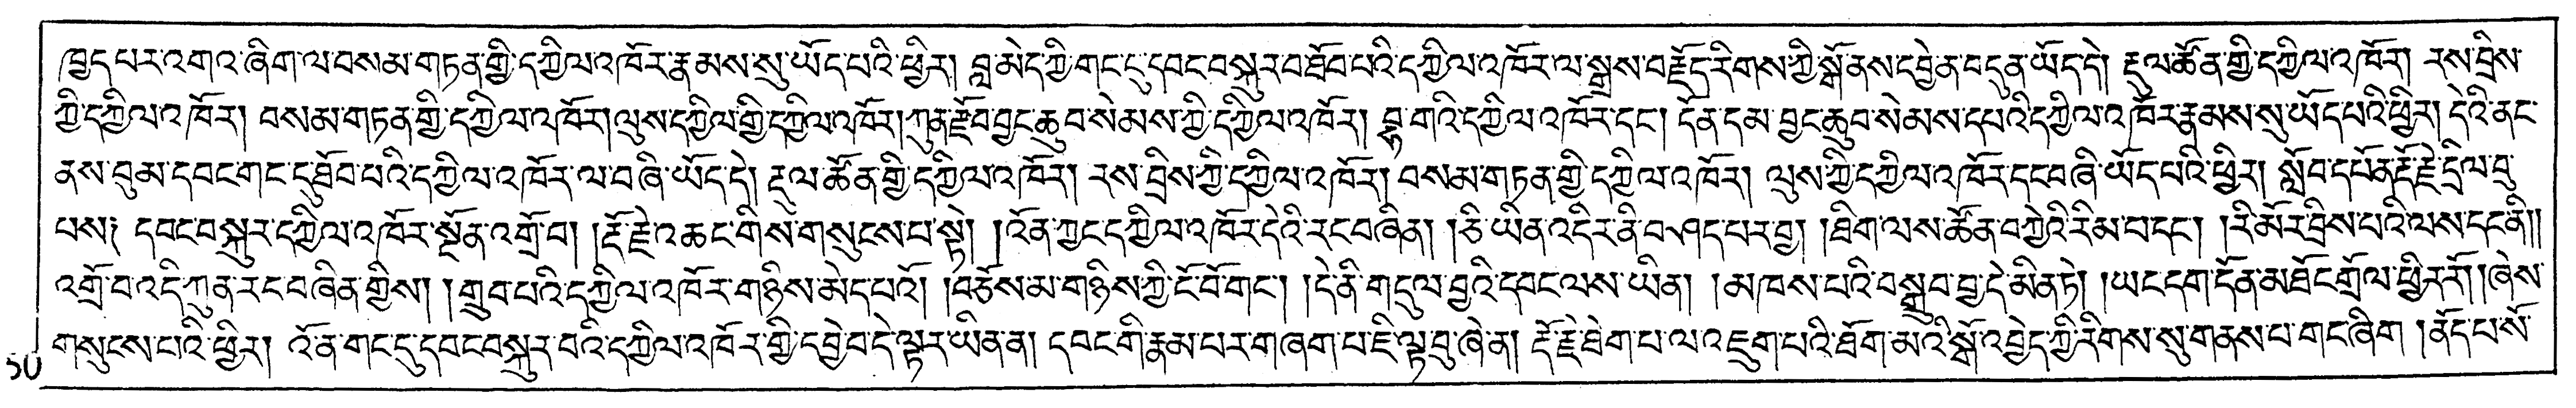ཁྱད་པར་འགའ་ཞིག་ལ་བསམ་གཏན་གྱི་དཀྱིལ་འཁོར་རྣམས་སུ་ཡོད་པའི་ཕྱིར། བླ་མེད་ཀྱི་གང་དུ་དབང་བསྐུར་བ་ཐོབ་པའི་དཀྱིལ་འཁོར་ལ་སྒྲས་བརྗོད་རིགས་ཀྱི་སྒོ་ནས་དབྱེ་ན་བདུན་ཡོད་དེ། རྡུལ་ཚོན་གྱི་དཀྱིལ་འཁོར། རས་བྲིས་
ཀྱི་དཀྱིལ་འཁོར། བསམ་གཏན་གྱི་དཀྱིལ་འཁོར། ལུས་དཀྱིལ་གྱི་དཀྱིལ་འཁོར། ཀུན་རྫོབ་བྱང་ཆུབ་སེམས་ཀྱི་དཀྱིལ་འཁོར། བྷ་གའི་དཀྱིལ་འཁོར་དང་། དོན་དམ་བྱང་ཆུབ་སེམས་དཔའི་དཀྱིལ་འཁོར་རྣམས་སུ་ཡོད་པའི་ཕྱིར། དེའི་ནང་
ནས་བུམ་དབང་གང་དུ་ཐོབ་པའི་དཀྱིལ་འཁོར་ལ་བཞི་ཡོད་དེ། རྡུལ་ཚོན་གྱི་དཀྱིལ་འཁོར། རས་བྲིས་ཀྱི་དཀྱིལ་འཁོར། བསམ་གཏན་གྱི་དཀྱིལ་འཁོར། ལུས་ཀྱི་དཀྱིལ་འཁོར་དང་བཞི་ཡོད་པའི་ཕྱིར། སློབ་དཔོན་རྡོ་རྗེ་དྲིལ་བུ་
པས། དབང་བསྐུར་དཀྱིལ་འཁོར་སྔོན་འགྲོ་བ། །རྡོ་རྗེ་འཆང་གིས་གསུངས་པ་སྟེ། །འོན་ཀྱང་དཀྱིལ་འཁོར་དེའི་རང་བཞིན། །ཅི་ཡིན་འདིར་ནི་བཤད་པར་བྱ། །ཐིག་ལས་ཚོན་བཀྱེའི་རིམ་པ་དང་། །རི་མོར་བྲིས་པའི་ལས་དང་ནི། །
འགྲོ་བ་འདི་ཀུན་རང་བཞིན་གྱིས། །གྲུབ་པའི་དཀྱིལ་འཁོར་གཉིས་མེད་པའོ། །བཅོས་མ་གཉིས་ཀྱི་ངོ་བོ་གང་། །དེ་ནི་གདུལ་བྱའི་དབང་ལས་ཡིན། །མཁས་པའི་བསྒྲུབ་བྱ་དེ་མིན་ཏེ། །ཡང་དག་དོན་མཐོང་གྲོལ་ཕྱིར་རོ། །ཞེས་
གསུངས་པའི་ཕྱིར། འོ་ན་གང་དུ་དབང་བསྐུར་བའི་དཀྱིལ་འཁོར་གྱི་དབྱེ་བ་དེ་ལྟར་ཡིན་ན། དབང་གི་རྣམ་པར་གཞག་པ་ཇི་ལྟ་བུ་ཞེ་ན། རྡོ་རྗེ་ཐེག་པ་ལ་འཇུག་པའི་ཐོག་མའི་སྒོ་འབྱེད་ཀྱི་རིགས་སུ་གནས་པ་གང་ཞིག །ནོད་པ་སོ་